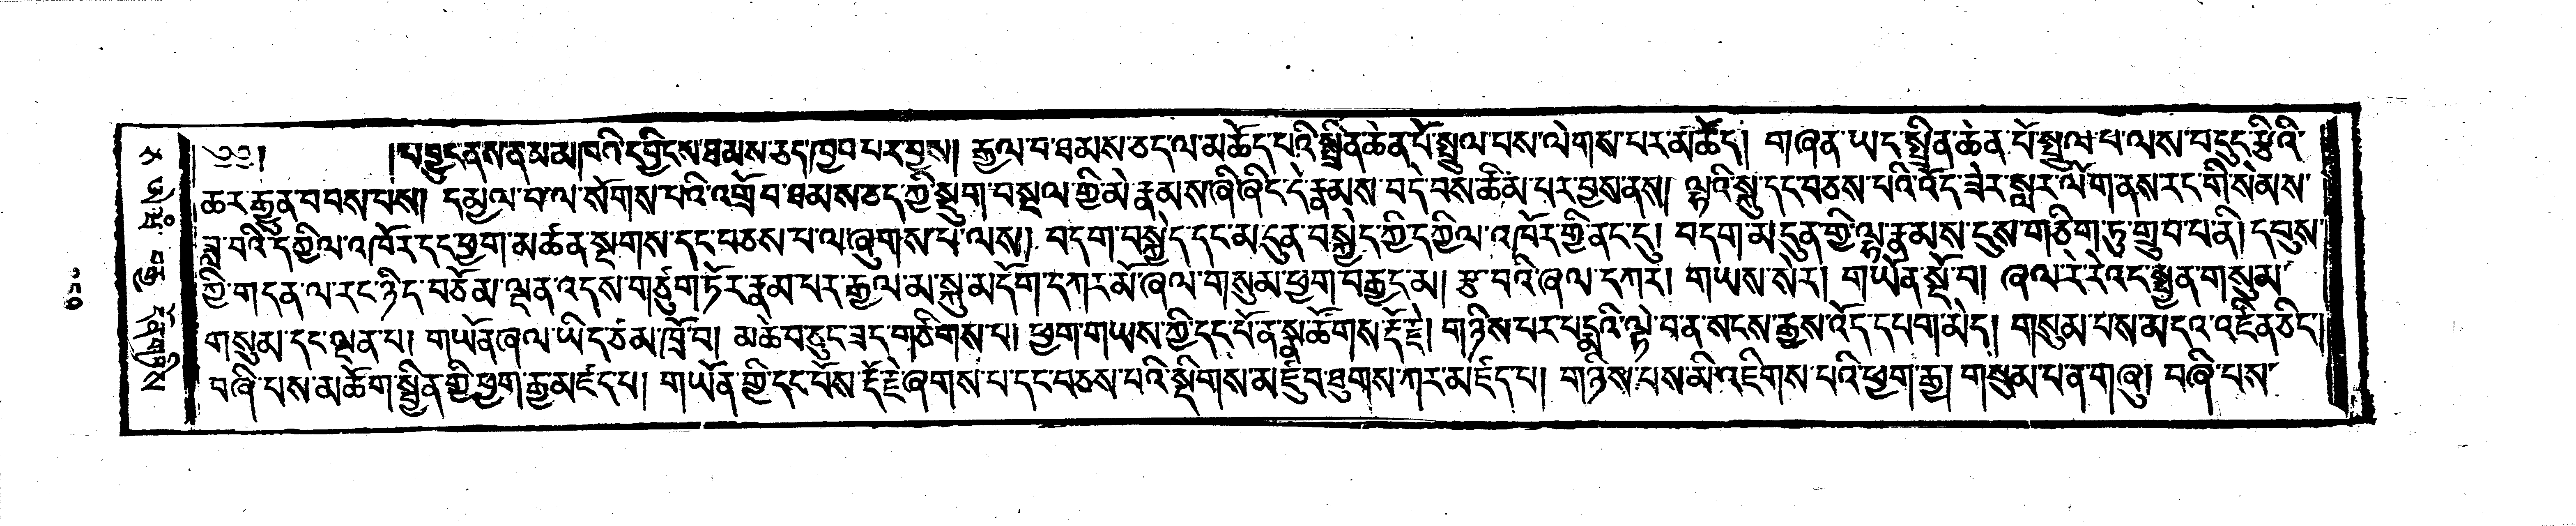༄༅། །པ་བྱུང་ནས་ནམ་མཁའི་དབྱིངས་ཐམས་ཅད་ཁྱབ་པར་བྱས། རྒྱལ་བ་ཐམས་ཅད་ལ་མཆོད་པའི་སྤྲིན་ཆེན་པོ་སྤྲུལ་པས་ལེགས་པར་མཆོད། གཞན་ཡང་སྤྲིན་ཆེན་པོ་སྤྲུལ་པ་ལས་བདུད་རྩིའི་
ཆར་རྒྱུན་བབས་པས། དམྱལ་བ་ལ་སོགས་པའི་འགྲོ་བ་ཐམས་ཅད་ཀྱི་སྡུག་བསྔལ་གྱི་མེ་རྣམས་ཞི་ཞིང་དེ་རྣམས་བདེ་བས་ཚིམ་པར་བྱས་ནས། ལྷའི་སྐུ་དང་བཅས་པའི་འོད་ཟེར་སླར་ལོག་ནས་རང་གི་སེམས་
ཟླ་བའི་དཀྱིལ་འཁོར་དང་ཕྱག་མཚན་སྔགས་དང་བཅས་པ་ལ་ཞུགས་པ་ལས། བདག་བསྐྱེད་དང་མདུན་བསྐྱེད་ཀྱི་དཀྱིལ་འཁོར་གྱི་ནང་དུ། བདག་མདུན་གྱི་ལྷ་རྣམས་དུས་གཅིག་ཏུ་གྲུབ་པ་ནི། དབུས་
ཀྱི་གདོན་ལ་རང་ཉིད་བཅོམ་ལྡན་འདས་གཙུག་ཏོར་རྣམ་པར་རྒྱལ་མ་སྐུ་མདོག་དཀར་མོ་ཞལ་གསུམ་ཕྱག་བརྒྱད་མ། རྩ་བའི་ཞལ་དཀར། གཡས་སེར། གཡོན་སྔོ་བ། ཞལ་རེ་རེའང་སྤྱན་གསུམ་
གསུམ་དང་ལྡན་པ། གཡོན་ཞལ་ཡིད་ཙམ་ཁྲོ་བ། མཆེ་བ་ཆུང་ཟད་གཙིགས་པ། ཕྱག་གཡས་ཀྱི་དང་པོ་ན་སྣ་ཚོགས་རྡོ་རྗེ། གཉིས་པར་པདམའི་ལྟེ་བ་ན་སངས་རྒྱས་འོད་དཔག་མེད། གསུམ་པས་མདའ་འཛིན་ཅིང་།
བཞི་པས་མཆོག་སྦྱིན་གྱི་ཕྱག་རྒྱ་མཛད་པ། གཡོན་གྱི་དང་པོས་རྡོ་རྗེ་ཞགས་པ་དང་བཅས་པའི་སྡིགས་མཛུབ་ཐུགས་ཀར་མཛད་པ། གཉིས་པས་མི་འཇིགས་པའི་ཕྱག་རྒྱ། གསུམ་པ་ན་གཞུ། བཞི་པས་